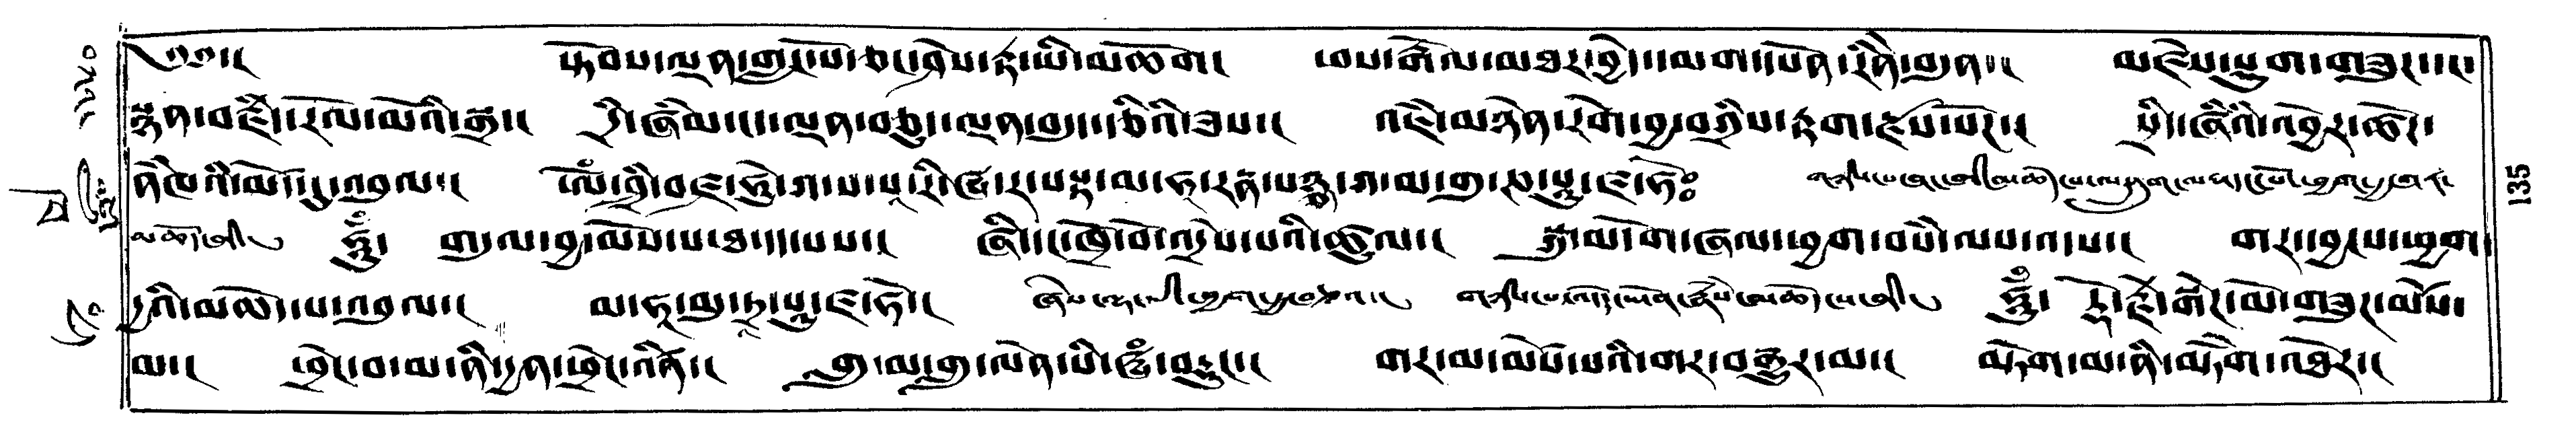།སྟོབས་ལྡན་གླང་པོ་ཅང་ཤེས་རྟ་ཡི་མཆོག །ཕས་རྒོལ་མཐར་བྱེད་དམག་དཔོན་རིན་ཆེན་བདུན། །མཛེས་སྡུག་གཟུགས་དང་
སྙན་བརྗིད་རོལ་མོའི་སྒྲ། །དྲི་ཞིམ་དང་ལྡན་བཅུད་ལྡན་བདུད་རྩིའི་ཟས། །འཇམ་མཉེན་རེག་བྱ་བཀྲ་ཤིས་རྟགས་རྫས་སོགས། །སྲིད་ཞིའི་འབྱོར་ཚོགས་
ནམ་མཁའི་མཛོད་དུ་འབུལ། ཨོཾ་ཤྲི་བཛྲ་ཧེ་རུ་ཀ་ས་པཱ་རི་ཝ་ར་སཔྟ་མ་ཧཱ་རཏྣ་པཉྩ་ཀ་མ་གུ་ཎ་པཱུ་ཛ་ཧོཿ གཉིས་པ་ནང་གི་མཆོད་པ་ལ་དྲུག་ལས། དང་པོ་ཕྱག་རྒྱ་གར་
མཆོད་ནི། ཧཱུྃ། གདུལ་བྱ་མོས་པ་ཐ་དད་པས། །ཞི་དང་ཁྲོ་བོ་འདྲེས་པའི་ཚུལ། །སྐུ་མདོག་ཞལ་ཕྱག་བསམ་ལས་འདས། །གར་དབྱངས་ཕྱག་
རྒྱའི་མཆོད་པ་འབུལ། མ་ཧཱ་མུདྲཱ་པཱུ་ཛ་ཧོ།ཞེས་ལྷའི་ཕྱག་རྒྱ་བཅའ། གཉིས་པ་འདོད་ཡོན་རྣམས་མཆོད་པ་ནི། ཧཱུྃ། རྡོ་རྗེ་སྒེག་མོ་གཟུགས་མཛོས་
མ། །ཕྲེང་བ་མ་ནི་རྒྱན་ཕྲེང་འཛིན། །གླུ་མ་གླུ་ལེན་པི་ཝཾ་བརྡུང་།། །གར་མ་མཛེས་པའི་གར་བསྒྱུར་མ། །མེ་ཏོག་མ་ནི་མེ་ཏོག་འཐོར།།